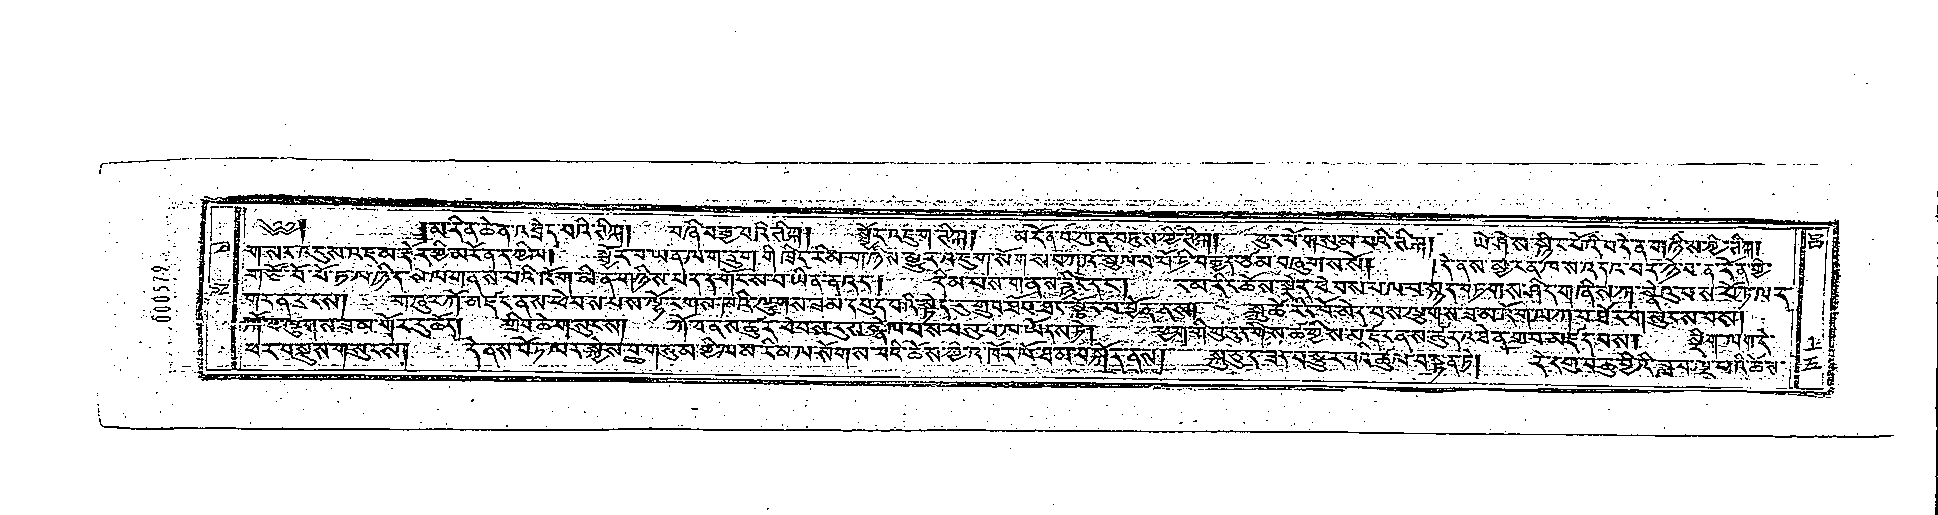༄༅། །མ་རིན་ཆེན་འཕྲེད་བའི་ཊིཀྐ། བཞི་བརྒྱ་བའི་ཊིཀྐ། སྤྱོད་འཇུག་ཊིཀྐ། མངོན་བ་ཀུན་བཏུས་ཀྱི་ཊིཀྐ། ཕུང་པོ་གསུམ་པའི་ཊིཀྐ། ཡེ་ཤེས་སྙིང་པོའི་བདེན་གཉིས་ཀྱི་ཊིཀྐ།
གསང་འདུས་འཇམ་རྡོར་གྱི་མངོན་དཀྱིལ། སྦྱོར་བ་ཡན་ལག་དྲུག་གི་ཁྲིད་རིམ་གཉིས་མྱུར་འཇུག་སེམས་བཀའ་སྩལ་བ་པོ་ཏི་བརྒྱད་ཙམ་བཞུགས་སོ། །དེ་ནས་མྱ་ངན་ཁས་འདའ་བར་ཉེ་བ་ན་དོན་གྱི་
གཙོ་བོ་པོ་ཏ་ལ་ཉིད་ས་ལ་གནས་པའི་འོག་མིན་གཉིས་པར་དགོངས་པ་ཡིན་ནའང་། རིམ་པས་གནས་རྙིང་དང་། དམ་རིང་ཆོས་སྡེར་ཕེབས་པ་ལ་བསྙད་བཏགས་ཤིང་གཞིས་ཀ་སྣེའུ་པས་པོ་ཏ་ལར་
གདན་དྲངས། གཞུང་ཀོ་མཛད་ནས་ཕེབས་པས་ལྷོ་ངགས་ཁའི་ལྕགས་ཟམ་དབུད་པའི་སྟེད་དུ་གྲུབ་ཐོབ་ཐང་སྟོང་པ་བྱོན་ནས། སྐུ་ཚེ་རིང་པོ་མེད་བས་ལྕགས་ཟམ་འོག་ལ་ཀ་བ་ཐོང་གསུངས་བས།
ཀོ་བ་ལྕགས་ཟམ་གོང་དུ་ཆོད། གྲིབ་ཆེ་གསུངས། ཀོ་བ་ནས་ཚུར་ཕེབས་དུས་སྣེལ་པས་བསུ་བ་ལ་ཡོངས་ཏེ། ཕྱག་གི་ཕུ་དུད་གིས་ཚ་ཕྱིས་མཛད་ནས་ཚུར་འཐེན་གྲབ་མཛད་པས། སྡིག་ལག་དེ་
ཕར་བསྡུས་གསུངས། དེ་ནས་པོ་ཏ་ལར་སྐྱེས་བ་གསུམ་གྱི་ལམ་རིམ་ལ་སོགས་པའི་ཆོས་ཀྱི་འཁོར་ལོ་ཐ་མ་བསྐོར་ནས། སྐུ་ཅུད་ཟད་བསྕུར?་བའི་ཚུལ་བསྟན་ཏེ། རེ་དགུ་པ་ཆུ་བྱིའི་ཟླ་བ་ལྔ་པའི་ཚེས་